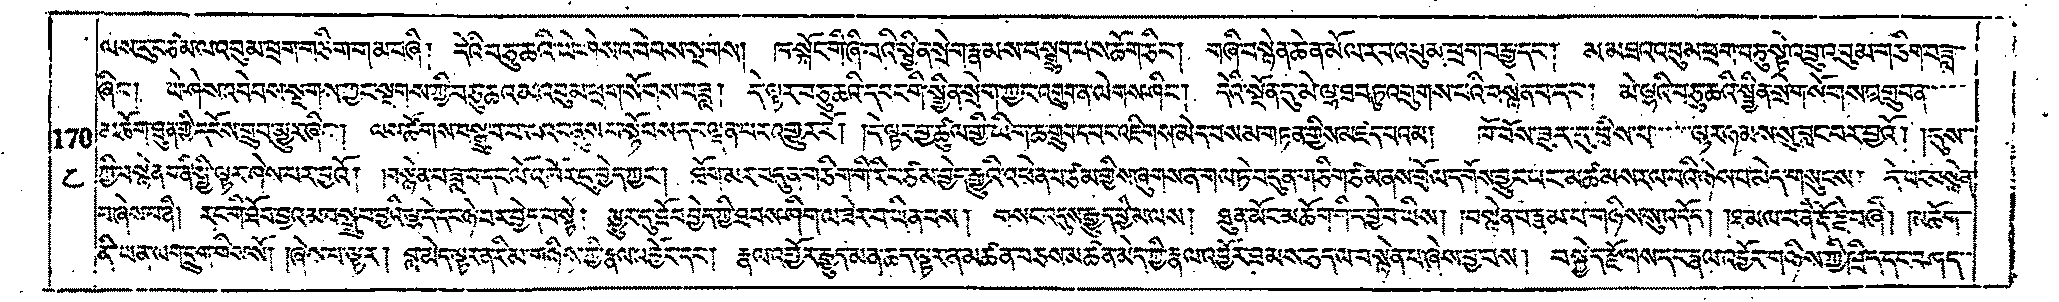ལས་རུང་ཙམ་ལ་འབུམ་ཕྲག་གཅིག་གམ་བཞི། དེའི་བཅུ་ཆའི་ཡི་ཤེས་འབེབས་སྔགས། ཁ་སྐོང་གི་ཞི་བའི་སྦྱིན་སྲེག་རྣམས་བསྒྲུབ་པས་ཆོག་ཅིང་། གཞི་བསྙེན་ཆེན་མོ་ལ་རབ་འབུམ་ཕྲག་བརྒྱ་དང་། མ་མཐའ་འབུམ་ཕྲག་བཅུ་སྟེ་འབྲུ་འབུམ་གཅིག་བཟླ་་་
ཞིང་། ཡེ་ཤེས་འབེབས་སྔགས་ཀྱང་སྔགས་ཀྱི་བཅུ་ཆའམ་འབུམ་ཕྲག་སོགས་བཟླ། དེ་ལྟར་བཅུ་ཆའི་དབང་གི་སྦྱིན་སྲེག་ཀྱང་འགྲུབ་ན་ལེགས་ཤིང་། དེའི་སྔོན་དུ་མེ་ལྷ་ཐབ་ཏུ་འགུགས་པའི་བསྙེན་པ་དང་། མེ་ལྷའི་བཅུ་ཆའི་སྦྱིན་སྲེག་སོགས་འགྲུབ་ན་་་
མཆོག་ཐུན་གྱི་དངོས་གྲུབ་མྱུར་ཞིང་། ལས་ཚོགས་བསྒྲུབ་པ་ལའང་ནུས་པ་སྟོབས་དང་ལྡན་པར་འགྱུར་རོ། །དེ་ལྟར་བྱ་ཚུལ་གྱི་ཡིག་ཆ་གྲུབ་དབང་འཇིགས་མེད་བསམ་གཏན་གྱིས་མཛད་པའམ། ཁོ་བོས་ཟུར་དུ་བྲིས་པ་་་ལྟར་ཉམས་སུ་བླང་བར་བྱའོ། །དུས་་་
ཀྱི་བསྙེན་པ་ནི་སྤྱི་ལྟར་ཤེས་པར་བྱའོ། །བསྙེན་པ་ཟླ་བ་དང་ལོ་འཁོར་དུ་བྱེད་ཀྱང་། ཐོག་མར་བདུན་གཅིག་གི་རིང་ཙམ་བྱེད་རྒྱུའི་འཕེན་པ་ཙམ་གྱིས་ཞུགས་ན་གལ་ཏེ་བདུན་གཅིག་ཙམ་ནས་གྲོལ་དགོས་བྱུང་ཡང་མཚམས་རལ་པའི་ཉེས་པ་མེད་གསུངས། དེ་ཡང་བསྙེན་
པ་ཞེས་པ་ནི། རང་གི་ཐོབ་བྱའམ་བསྒྲུབ་བྱའི་ལྷ་དེ་དང་ཉེ་བར་བྱེད་པ་སྟེ། མྱུར་དུ་ཐོབ་བྱེད་ཀྱི་ཐབས་ཤིག་ལ་ཟེར་བ་ཡིན་པས། གསང་འདུས་རྒྱུད་ཕྱི་མ་ལས། ཐུན་མོང་མཆོག་གི་དབྱེ་བ་ཡིས། །བསྙེན་པ་རྣམ་པ་གཉིས་སུ་འདོད། །ཐ་མལ་བ་ནི་རྡོ་རྗེ་བཞི། །མཆོག་་་
ནི་ཡན་ལག་དྲུག་གིས་སོ། །ཞེས་པ་ལྟར། བླ་མེད་ལྟར་ན་རིམ་གཉིས་ཀྱི་རྣལ་འབྱོར་དང་། རྣལ་འབྱོར་རྒྱུད་མན་ཆད་ལྟར་ན་མཚན་བཅས་མཚན་མེད་ཀྱི་རྣལ་འབྱོར་ཐམས་ཅད་ལ་བསྙེན་པ་ཞེས་བྱ་བས། བསྐྱེད་རྫོགས་དང་རྣལ་འབྱོར་གཉིས་ཀྱི་ཁྲིད་དང་བཤད་་་